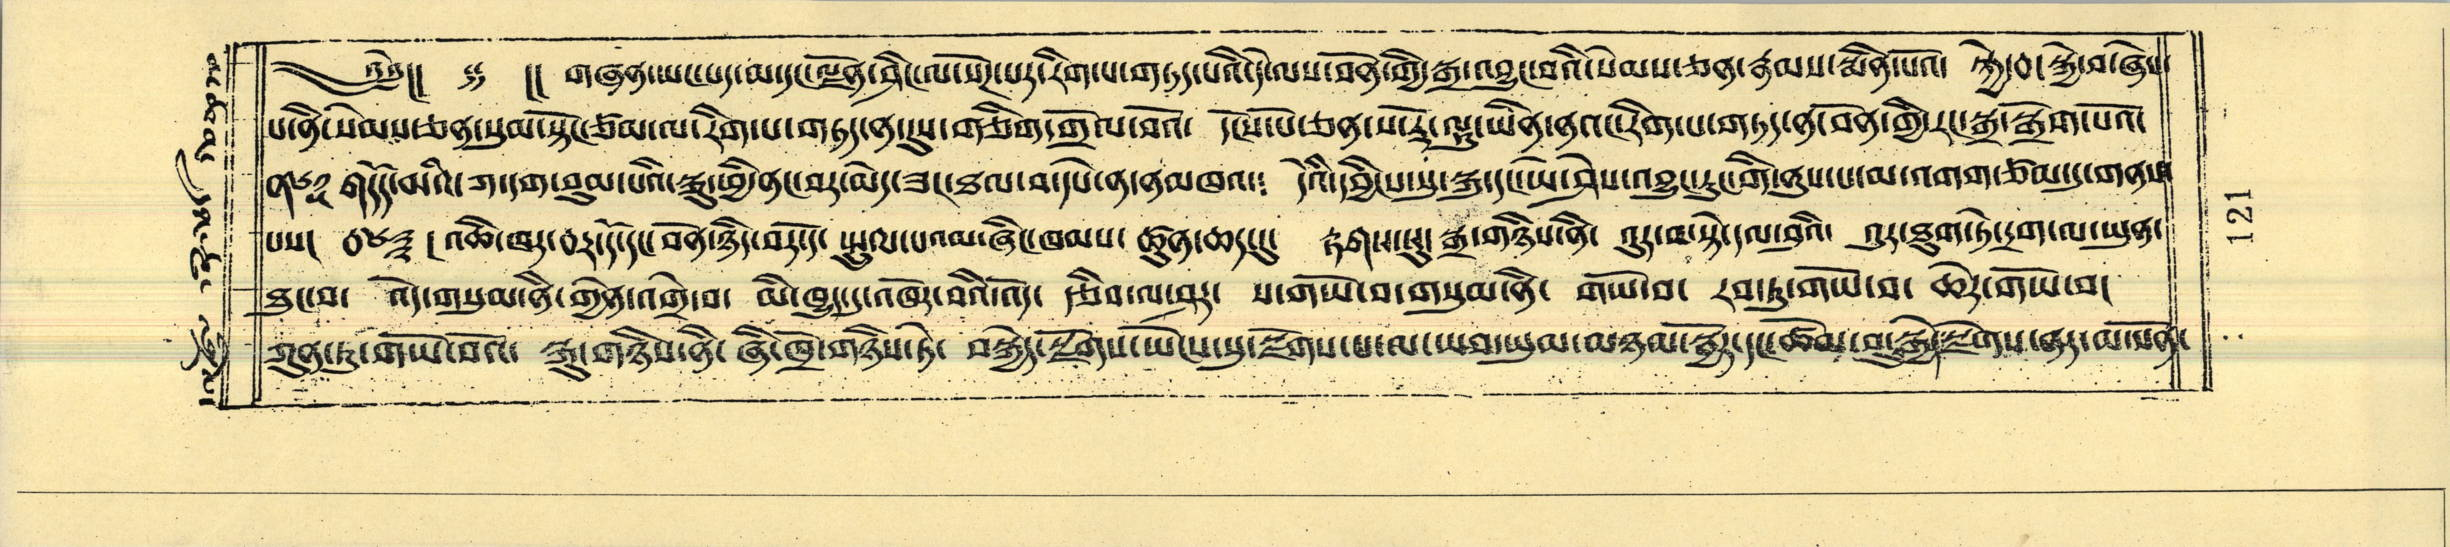གཞན་ཡང་པད་མ་དང་ལྗོན་ཤིང་ལ་སོགས་པར་རིག་པ་གཏད་པའི་དེ་ལས་བོན་གྱི་སྒྲ་འབྱུང་བའི་སེམས་ཅན་རྣམས་སྨིན་པའོ།༼སྐྱེ་བ༽སྐྱེ་བ་ཞེས་
པ་ནི་སེམས་ཅན་སུམ་སྟོང་ལ་རིག་པ་གཏད་ནས་དུས་གཅིག་ལ་གྲོལ་བའོ། དངོས་པོ་ཅན་ས་རྡོ་ལྟ་བུ་ཡིན་ནའང་རིག་པ་གཏད་ན་བོན་གྱི་རང་སྒྲ་སྒྲོག་པའོ། 
ན༦༡།༥༼གདོད༽མའི་ཀ་དག་བུམ་པའི་སྐུ་ཕྱི་ནང་བར་མེད་ཟང་ཐལ་བ་དཔེར་ནམ་ནམ་མཁའ་དེའི་དབྱིངས་སུ་སྐུ་དང་ཡེ་ཤེས་འབྱུང་རུང་གི་ནུས་པ་མ་འགག་ཙམ་དུ་གནས་
པས་བ༦༢།༢ འཆི་ཁར་༼བར་དོ༽དང་བོན་ཉིད་བར་དོ་༼སྤྲུལ་པ༽འམ་ཞིང་ཁམས་༼ཚུན་ཆད་དུ༽༼རྟགས་སུ༽སྒྲ་གཉིས་ནི་འུར་བ་སྟེ་དལ་བུའི་འུར་ཐུག་ཏེ་དྲག་ལ་ཡུན་
ཐུང་བ་འོད་གསུམ་ནི་གྱེན་འགྲེ་བ་མུ་ཁྱུད་དུ་འཁོར་བའི་འོད་རྩིབ་ལ་ཤར་ས་གཡོ་བ་གསུམ་ནི། གཡོ་བ་རབ་ཏུ་གཡོ་བ་ཆེར་གཡོ་བ་
ཀུན་ཏུ་གཡོ་བའོ། སྐུ་གཉིས་ནི་ཞི་ཁྲོ་གཉིས་ཏེ་བསྐྱེད་རྫོགས་ཡོངས་སུ་རྫོགས་པ་ལ་ཡབ་ཡུམ་མཉམ་སྦྱོར་དང་ཚོམ་བུ་བསྐྱེད་རྫོགས་ནར་མ་སོན་